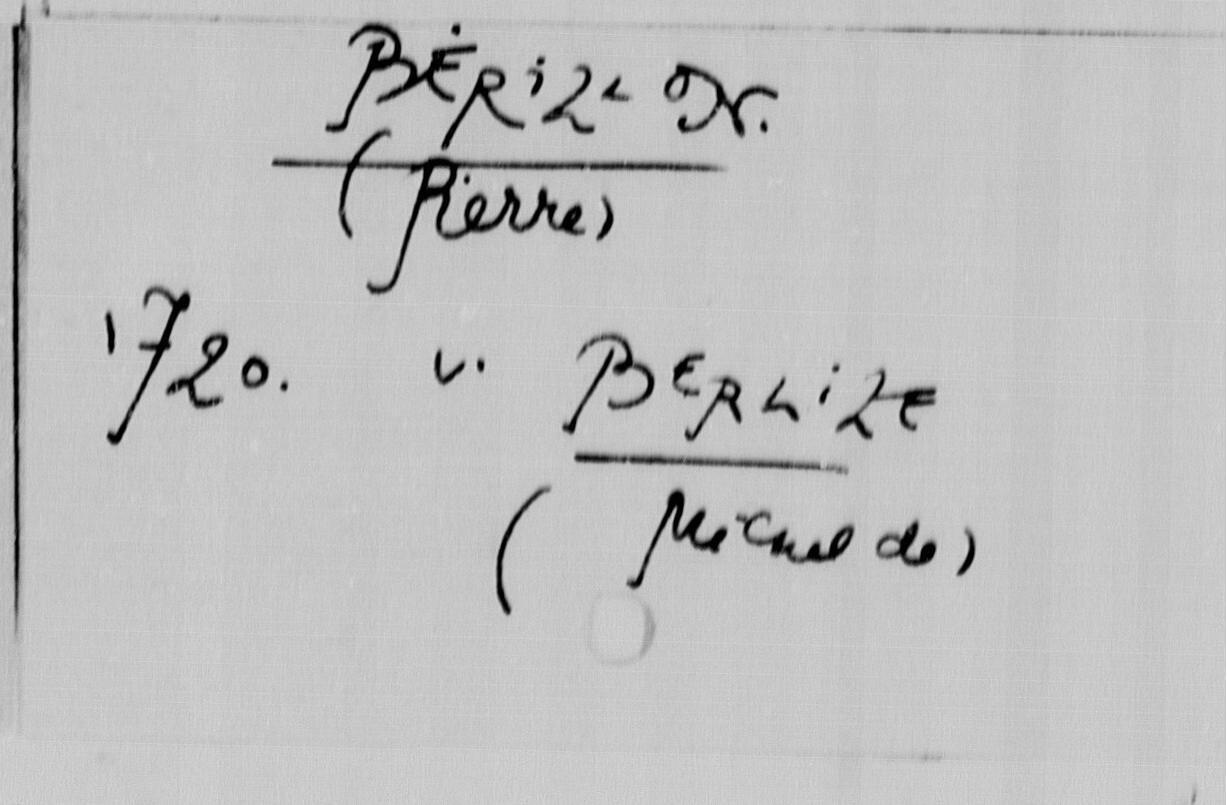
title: BERILLON (Pierre)
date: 1720
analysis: Voir : BERLILE (Michel de)
